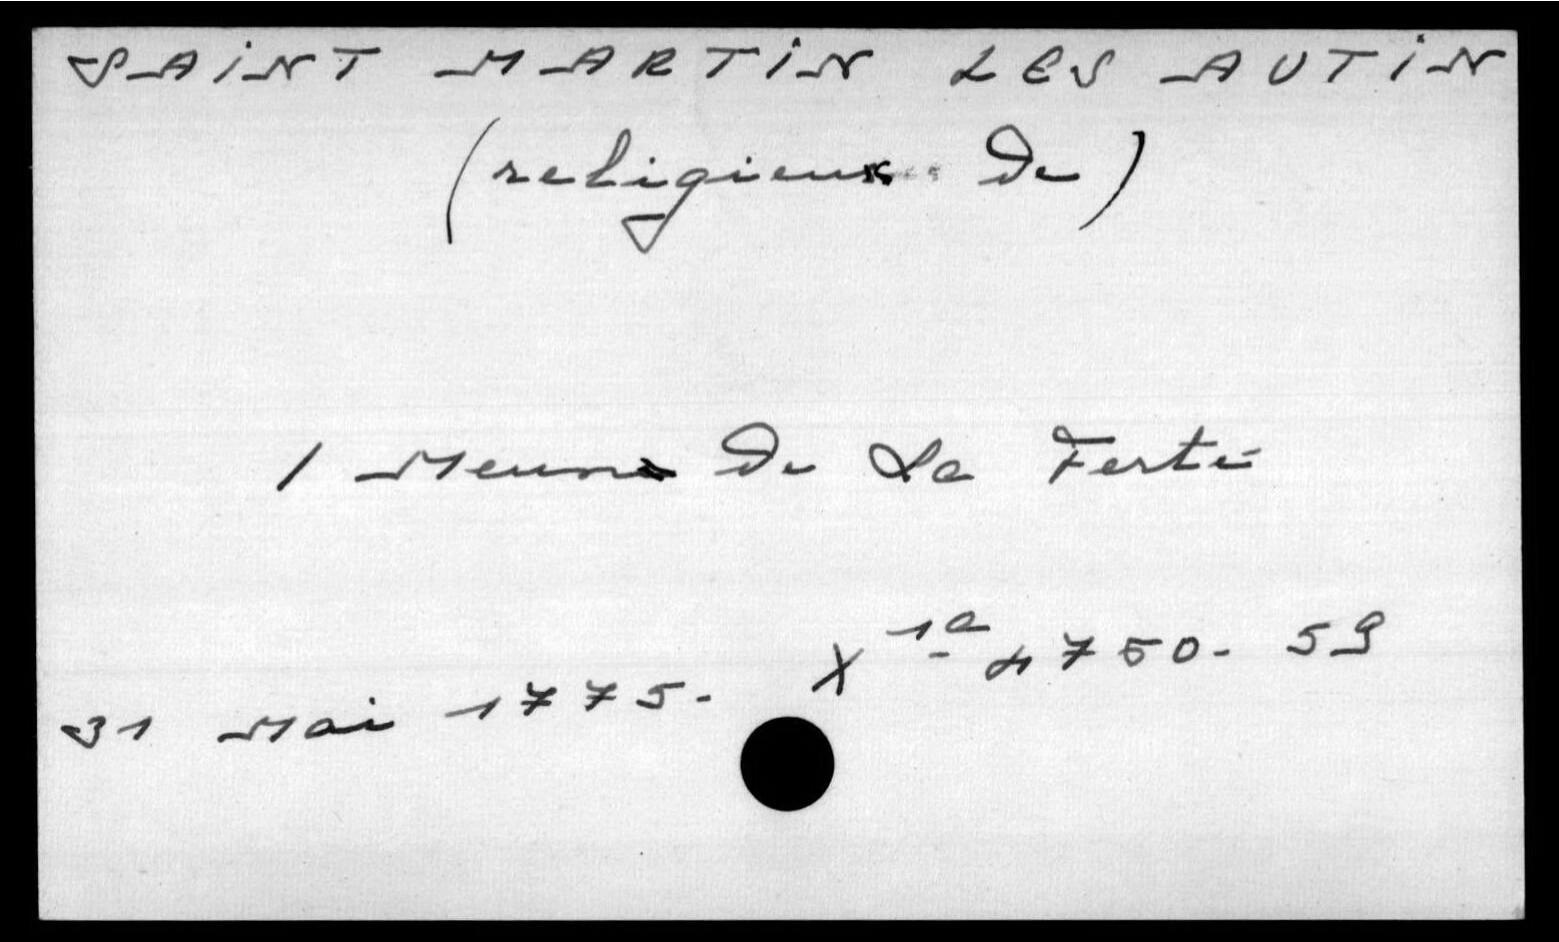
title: SAINT-MARTIN LES-AUTIN (religieux de)
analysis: Contre Meuns de La Ferté
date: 31 mai 1775
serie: X1a
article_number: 4760
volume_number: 59
